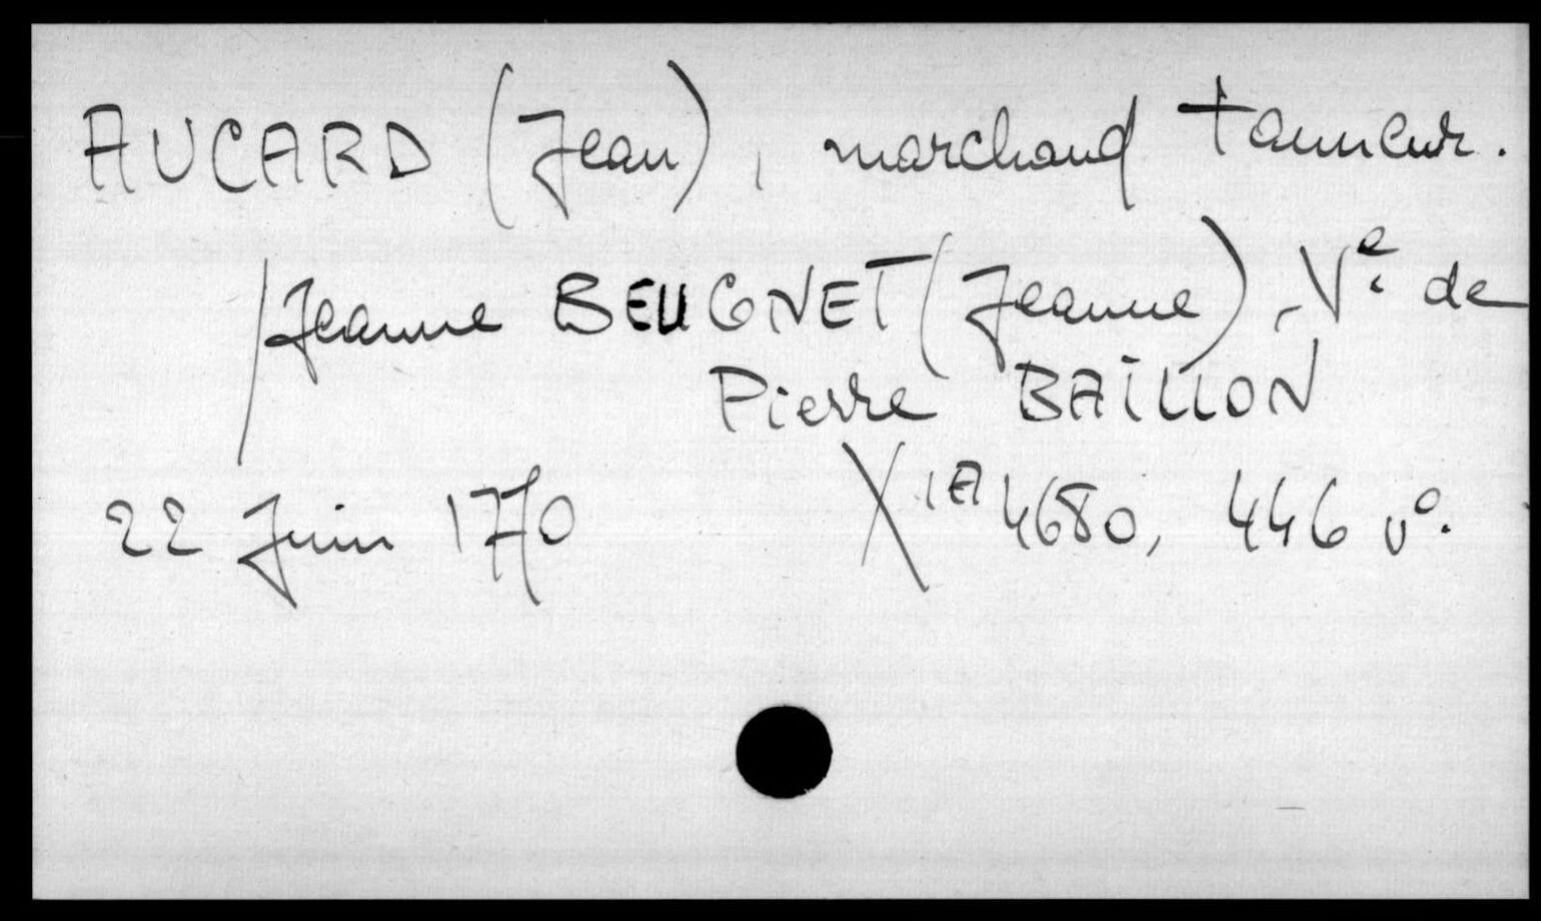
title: AUCARD (Jean), marchand tanneur.
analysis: Contre Jeanne BEUGNET (Jeanne), veuve de Pierre BAILLON
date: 22 juin 1770
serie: X1A
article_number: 4680
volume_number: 446v
